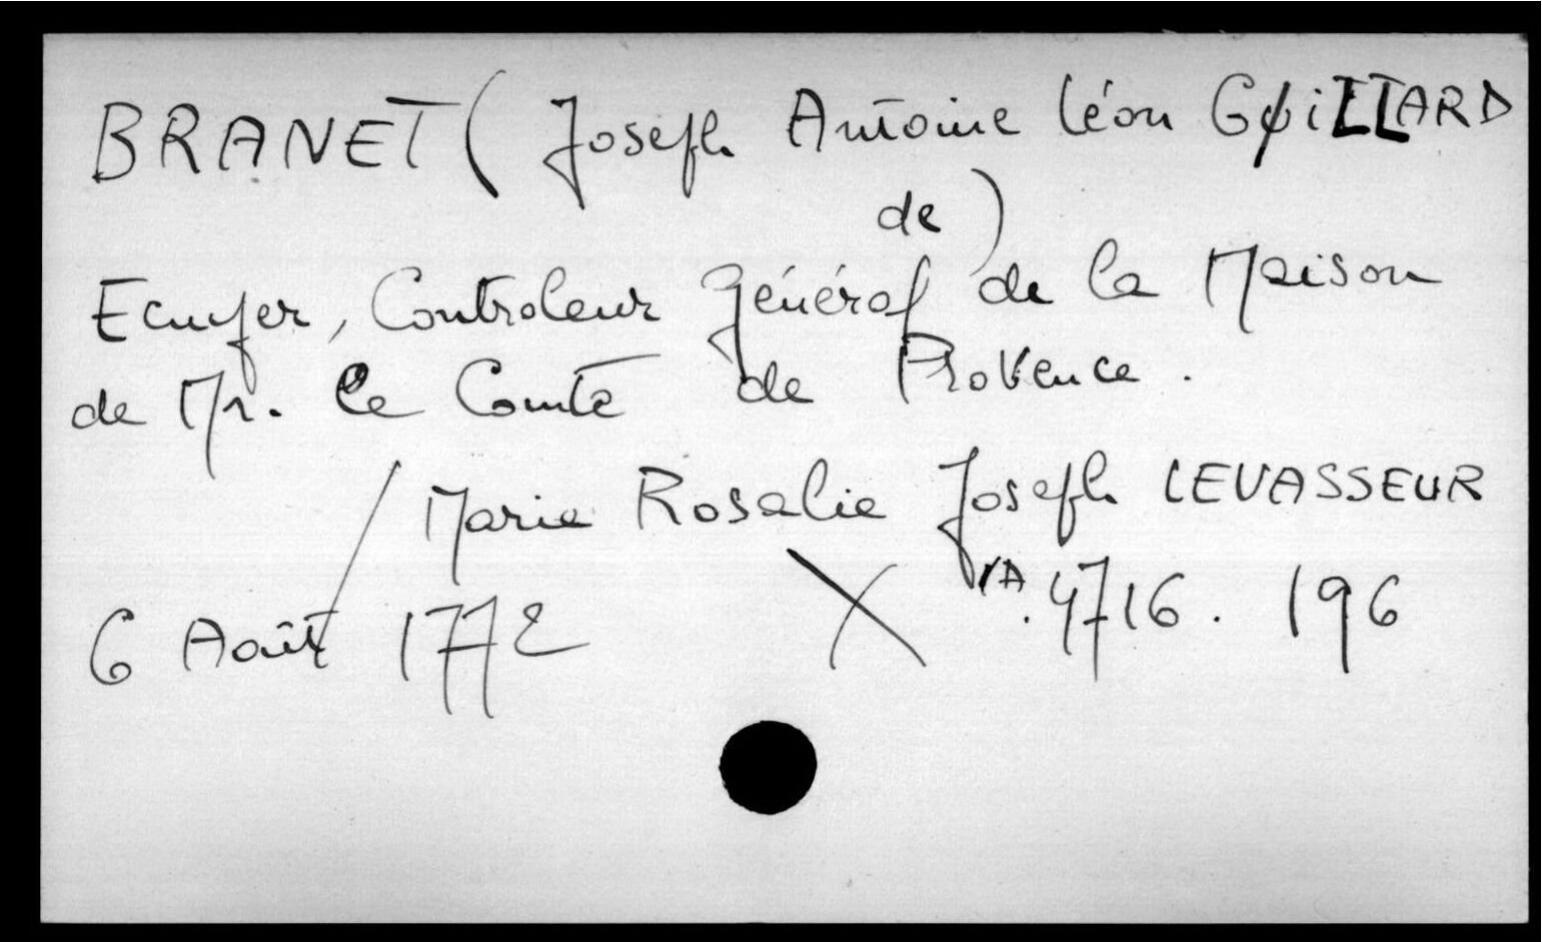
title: BRANET (Joseph Antoine Léon GILLARD de) Écuyer, Contrôleur général de la Maison de monsieur le Comte de Provence
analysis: Contre Marie Rosalie Joseph LEVASSEUR
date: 6 août 1772
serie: X1A
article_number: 4716
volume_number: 196
